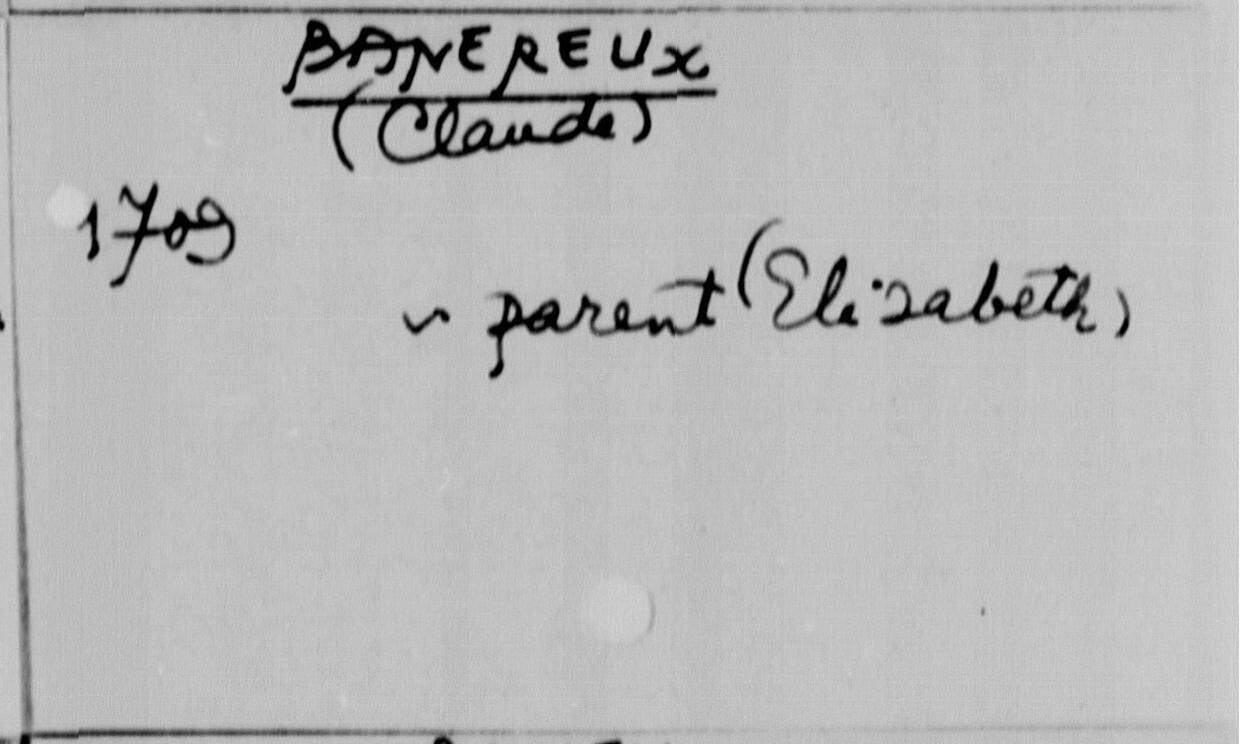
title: BANEREUX (Claude)
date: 1709
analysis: Voir PARENT (Élisabeth)
